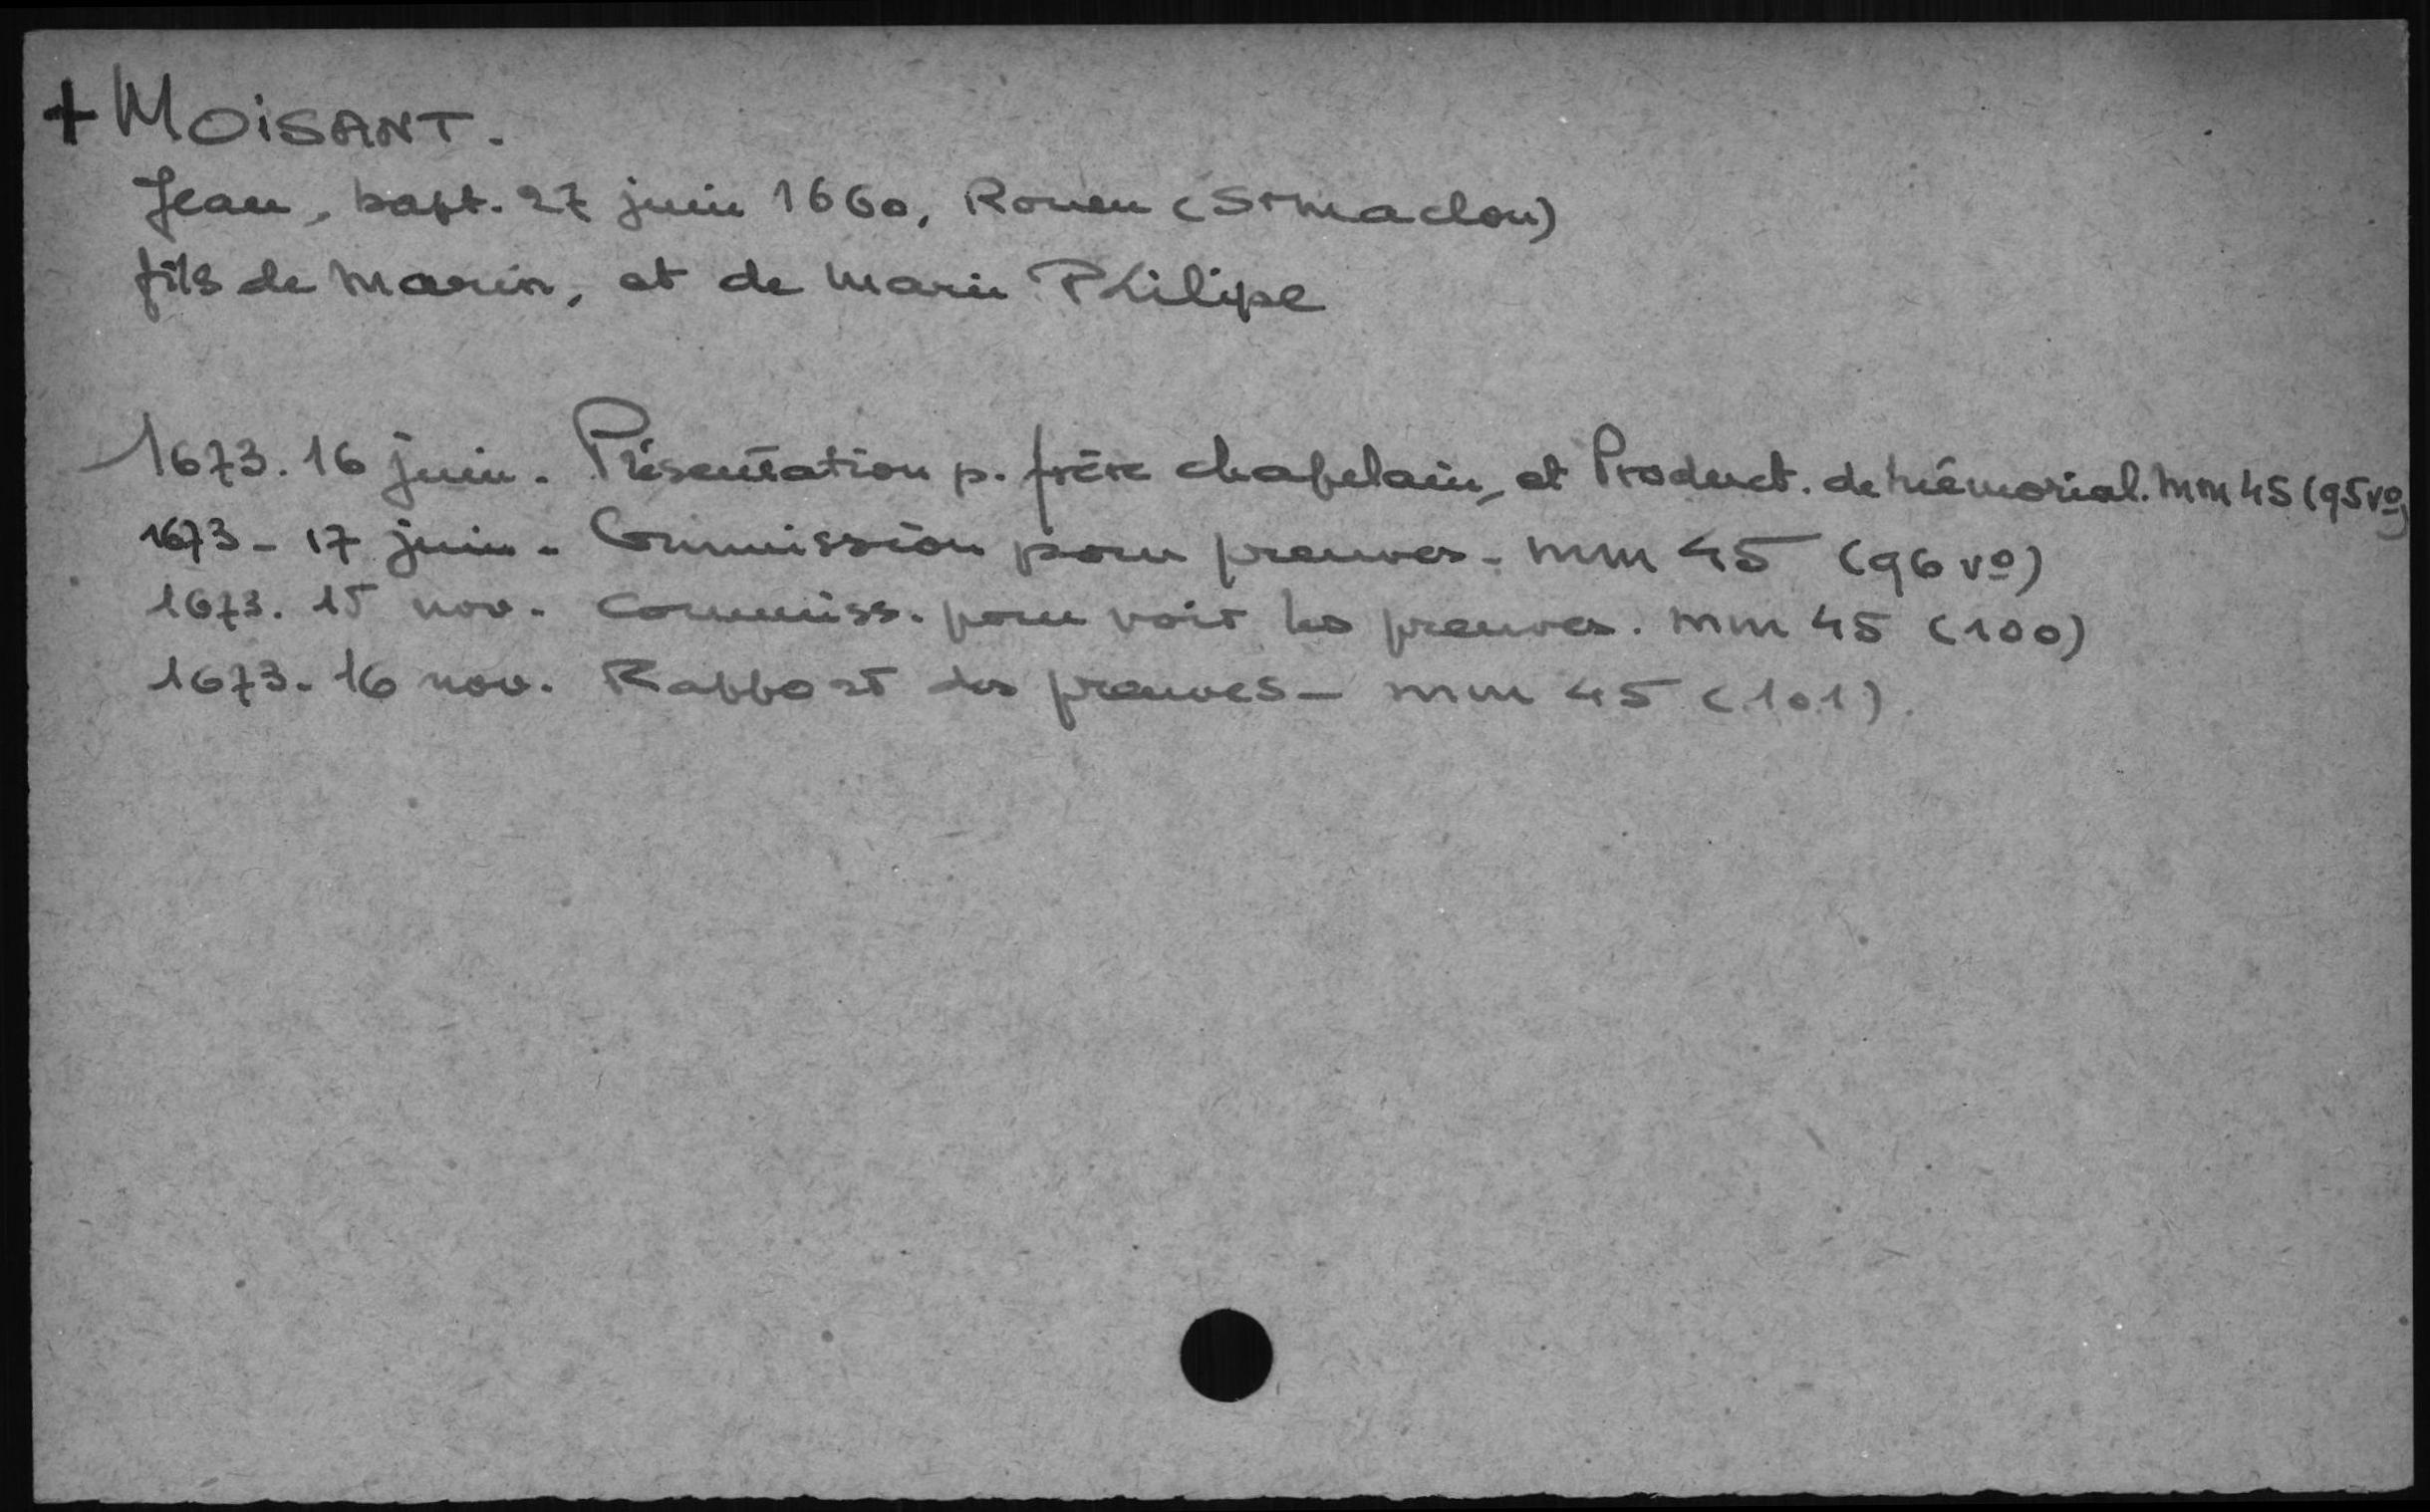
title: + MOISANT Jean, baptisé 27 juin 1660, Rouen (Saint Maclou) fils de Marin, et de Marie Philippe
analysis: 1673, 16 juin. Présentation pour frère chapelain, et production de mémorial. MM 45 (95v) 1673, 17 juin. Commission pour preuves. MM 45 (96v) 1673, 15 novembre. Commission pour voir les preuves. MM 45 (100) 1673, 16 novembre. Rapport des preuves. MM 45 (101)
